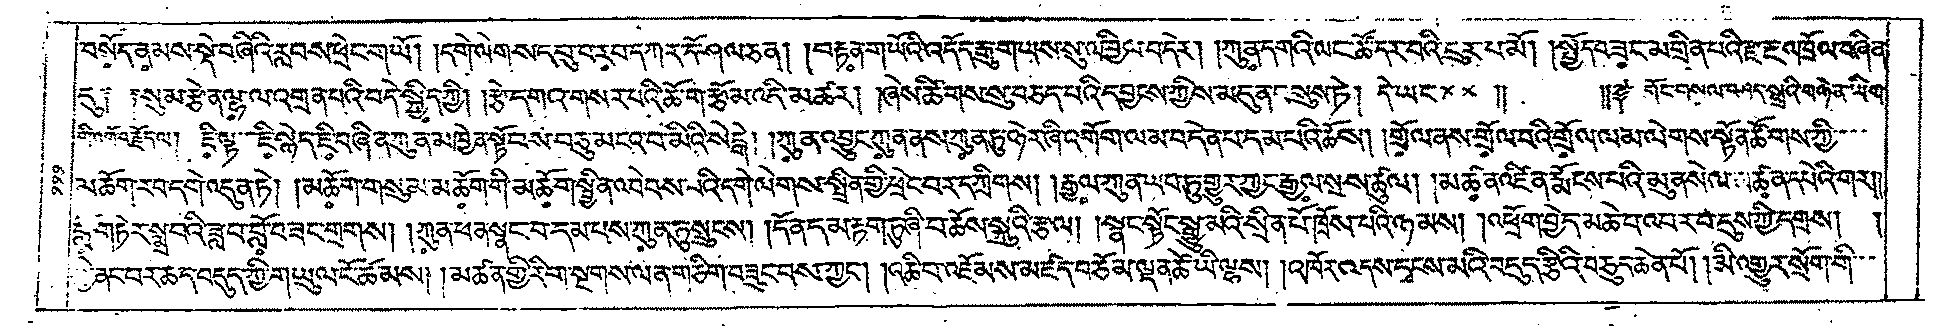བསོད྾་ནམས྾་སྡེ་བཞིའི་རླབས་ཕྲེང་གཡོ། །དགེ་ལེགས་དབུ་བ་རབ྾་དཀར་དོ་ཤལ་ཅན། །བརྟན྾་གཡོའི་འདོད་རྒུ་གཡས་སུ་འཁྱིལ་བ་དེར། །ཀུན྾་དགའི་ལང་ཚོ་དར་བའི་ངུར་པ་མོ། །སྤྱོད་བཟང་མགྲིན་པའི་རྫ་རྔ་འཁྲོལ་བཞིན་
དུ༑ ༑སུམ་རྩེན་ལྷ྾་ལ་འགྲན་པའི་བདེ་སྐྱིད྾་ཀྱི། །རྩེ་དགའ་གསར་པའི་ཆོ་ག་རྩོམ་འདི་མཚར། །ཞེས་ཚིགས་སུ་བཅད་པའི་དབྱངས་ཀྱིས་མདུན་བསུས་ཏེ། དེ་ཡང་྾་྾།། །། ༈ གོང་གསལ་བཤད་སྒྲའི་གཉེན་ཡིག་
གི་འགོ་བརྗོད་ལ། ཇི྾་ལྟ་ཇི྾་སྙེད་ཇི྾་བཞིན་ཀུན་མཁྱེན་སྟོབས་བཅུ་མངའ་བ་མིའི་སེངྒེ། །ཀུན྾་འབྱུང་ཀུན྾་ནས་ཀུན྾་ཏུ་ཉེར་ཞི་འགོག་ལམ་བདེན་པ་དམ་པའི་ཆོས། །གྲོལ྾་ནས་གྲོལ྾་བའི་གྲོལ྾་ལམ་ལེགས་སྟོན་ཚོགས་ཀྱི་
མཆོག་རབ་དགེ་འདུན་ཏེ། །མཆོག྾་གསུམ་མཆོག྾་གི་མཆོག྾་སྦྱིན་འབེབས་པའི་དགེ་ལེགས་སྤྲིན་གྱི་ཕྲེང་བར་དཀྲིགས། །རྒྱལ྾་ཀུན་ཡབ་ཏུ་གྱུར་ཀྱང་རྒྱལ྾་སྲས་ཚུལ། །མཚན྾་འཛིན་རྨོངས་པའི་མུན་སེལ་མཚན྾་དཔེའི་གར། །
བློ྾་གཏེར་སྨྲ་བའི་ཟླ་བ་བློ྾་བཟང་གྲགས། །ཀུན྾་ཕན་སྣང་བ་དམ་པས་ཀུན྾་ཏུ་སྲུངས། །དོན་དམ་རྟག་ཏུ་ཞི་བ་ཆོས་སྐུའི་རྩལ། །སྣང་སྟོང་སྒྱུ་མའི་སྲིན་པོ་ཁྲོས་པའི་ཉམས། །འཕྲོག་བྱེད་མཆེ་བ་འབར་བ་དུས་ཀྱི་དགྲས། །
ཕྱི་ནང་བར་ཆད་བདུད་ཀྱི་གཡུལ་ངོ་ཆོམས། །མཚན་གྱི་རིག་སྔགས་ལན་གཅིག་བཟུང་བས་ཀྱང་། །འཆི་བ་འཇོམས་མཛད་བཅོམ་ལྡན་ཚེ་ཡི་ལྷས། །འཁོར་འདས་དྭངས་མའི་བདུད་རྩིའི་བཅུད་ཆེན་པོ། །མི་འགྱུར་སྲོག་གི་